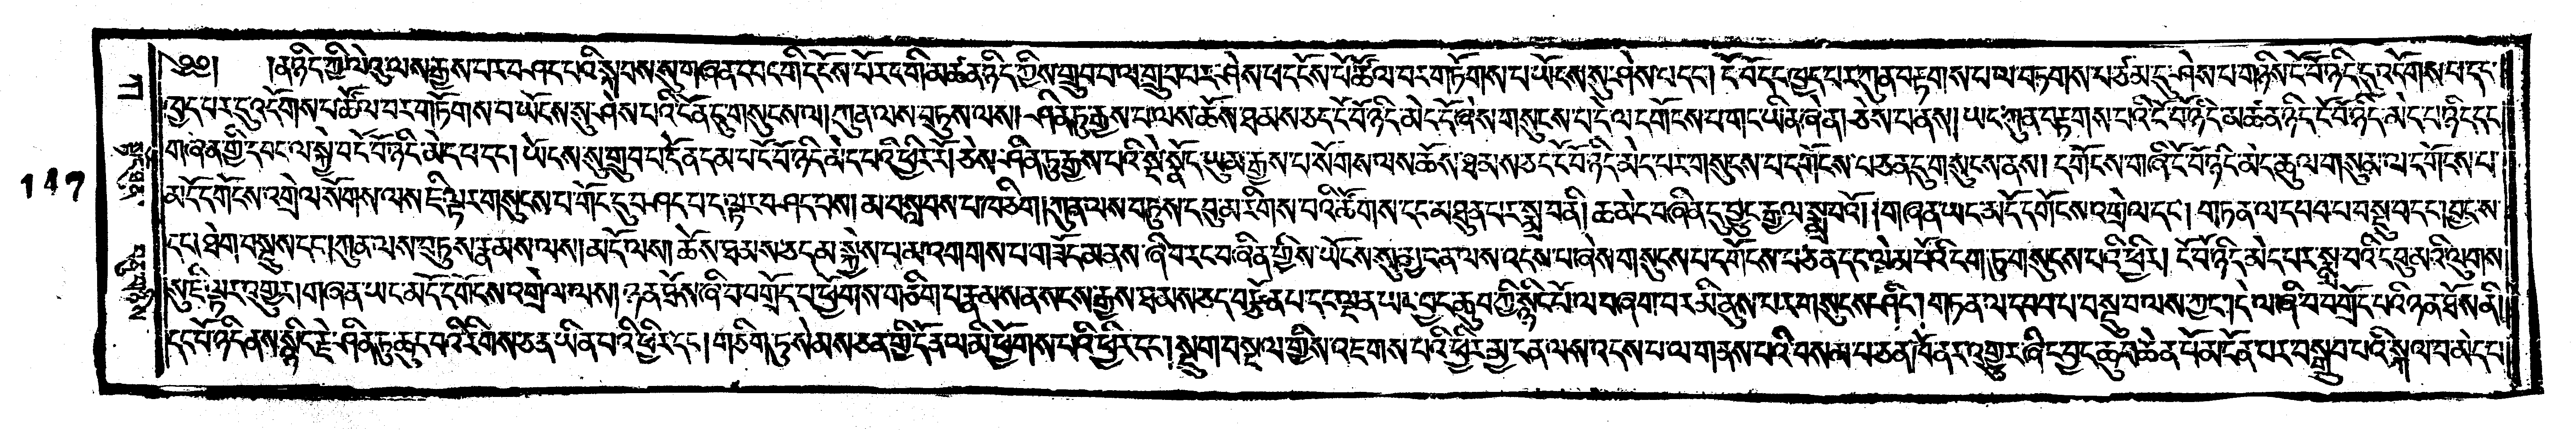༄༅། །ན་ཉིད་ཀྱི་ལེའུ་ལས་རྒྱས་པར་བཤད་པའི་སྐབས་སུ་གཞན་དབང་གི་དངོས་པོ་རང་གི་མཚན་ཉིད་ཀྱིས་གྲུབ་བ་ལ་གྲུབ་པར་ཤེས་པ་དངོས་པོ་ཚོལ་བར་གཏོགས་པ་ཡོངས་སུ་ཤེས་པ་དང་། ངོ་བོ་དང་ཁྱད་པར་ཀུན་བརྟགས་པ་ལ་བཏགས་པ་ཙམ་དུ་ཤེས་པ་གཉིས་ངོ་བོ་ཉིད་དུ་འདོགས་པ་དང་
ཁྱད་པར་དུ་འདོགས་པ་ཚོལ་བར་གཏོགས་པ་ཡོངས་སུ་ཤེས་པའི་དོན་དུ་གསུངས་ལ། ཀུན་ལས་བཏུས་ལས། ཤིན་ཏུ་རྒྱས་པ་ལས་ཆོས་ཐམས་ཅད་ངོ་བོ་ཉིད་མེད་ངོ་ཞེས་གསུངས་པ་དེ་ལ་དགོངས་པ་གང་ཡིན་ཞེ་ན། ཅེས་པ་ནས། ཡང་ཀུན་བརྟགས་པའི་ངོ་བོ་ཉིད་མཚན་ཉིད་ངོ་བོ་ཉིད་མེད་པ་ཉིད་དང་
གཞན་གྱི་དབང་ལ་སྐྱེ་བ་ངོ་བོ་ཉིད་མེད་པ་དང་། ཡོངས་སུ་གྲུབ་པ་དོན་དམ་པ་ངོ་བོ་ཉིད་མེད་པའི་ཕྱིར་རོ། ཅེས་ཤིན་ཏུ་རྒྱས་པའི་སྡེ་སྣོད་ཡུམ་རྒྱས་པ་སོགས་ལས་ཆོས་ཐམས་ཅད་ངོ་བོ་ཉིད་མེད་པར་གསུངས་པ་དགོངས་པ་ཅན་དུ་གསུངས་ནས། དགོངས་གཞི་ངོ་བོ་ཉིད་མེད་ཆུལ་གསུམ་ལ་དགོངས་པ་
མདོ་དགོངས་འགྲེལ་སོགས་ལས་ཇི་ལྟར་གསུངས་པ་གོང་དུ་བཤད་པ་ད་ལྟར་བཤད་པས། མ་བསླབས་པ་ཁ་ཅིག། ཀུན་ལས་བཏུས་དབུ་མ་རིགས་པའི་ཚོགས་དང་མཐུན་པར་སྨྲ་བ་ནི། ཆ་མེད་བཞིན་དུ་བྱུང་རྒྱལ་སྨྲ་བའོ། །གཞན་ཡང་མདོ་དགོངས་འགྲེལ་དང་། གཏན་ལ་དབབ་པ་བསྡུད་དང་། བྱད་?་ས་
དང༑ ཐེག་བསྡུས་དང་། ཀུན་ལས་བཏུས་རྣམས་ལས། མདོ་ལས། ཚེས་ཐམས་ཅད་མ་སྐྱེས་པ་མ་འགགས་པ་གཟོད་མ་ནས་ཞི་བ་རང་བཞིན་གྱིས་ཡོངས་སུ་མྱ་ངན་ལས་འདས་པ་ཞེས་གསུངས་པ་དགོངས་པ་ཅན་དང་ལེམ་པོའི་ངག་ཏུ་གསུངས་པའི་ཕྱིར། ངོ་བོ་ཉིད་མེད་པར་སྨྲ་བའི་དབུ་མའི་ལུགས་
སུ་ཇི་ལྟར་འགྱུར། གཞན་ཡང་མདོ་དགོངས་འགྲེལ་ལས། ཉན་ཐོས་ཞི་བ་བགྲོད་པ་ཕྱོགས་གཅིག་པ་རྣམས་ན་སངས་རྒྱས་ཐམས་ཅད་བརྩོན་པ་དང་ལྡན་ཡང་བྱང་ཆུབ་ཀྱི་སྙིང་པོ་ལ་བཞག་པར་མི་ནུས་པར་གསུངས་ཤིང་། གཏན་ལ་དབབ་པ་བསྡུ་བ་ལས་ཀྱང་། དེ་ལ་ཞི་བ་བགྲོད་པའི་ཉན་ཐོས་ནི།
དང་པོ་ཉིད་ནས་སྙིང་རྗེ་ཤིན་ཏུ་ཆུང་བའི་རིགས་ཅན་ཡིན་པའི་ཕྱིར་དང་། གཅིག་ཏུ་སེམས་ཅན་གྱི་དོན་ལ་མི་ཕྱོགས་པའི་ཕྱིར་དང་། སྡུག་བསྔལ་གྱིས་འཇགས་པའི་ཕྱིར་མྱ་ངན་ལས་འདས་པ་ལ་གནས་པའི་བསམ་པ་ཅན་ཁོ་ནར་འགྱུར་ཞིང་བྱང་ཆུབ་ཆེན་པོ་མངོན་པར་བསྒྲུབ་པའི་སྐལ་བ་མེད་པ་